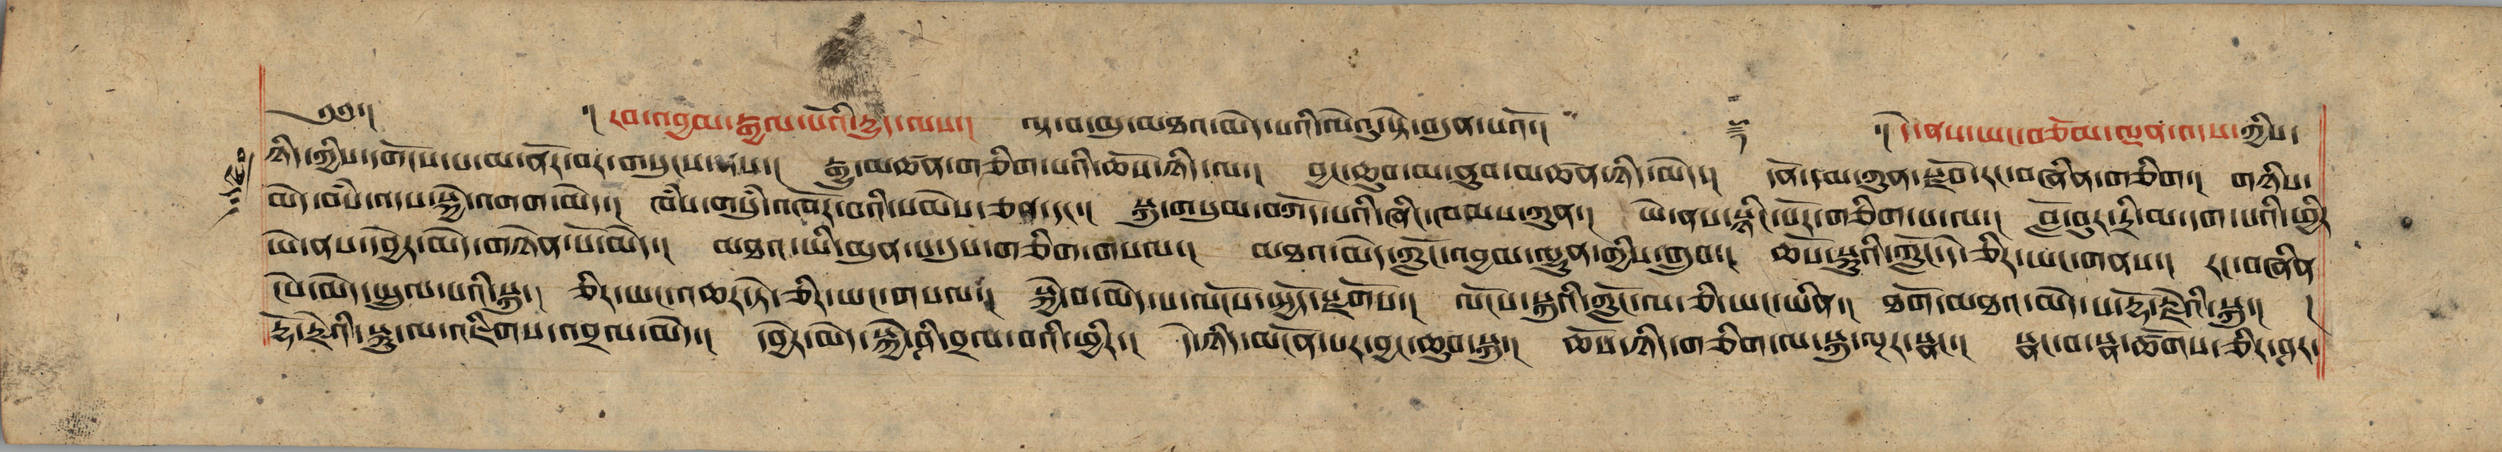༄༅་། ་།རབ་འབྱམ་རྒྱལ་པོའི་དྱུད་ལས་། ལྟ་བ་མུ་མཐའ་མེད་པའི་ལེའུ་སྟེ་བདུན་པའོ་། ༈ ་། དེ་ནས་ཡང་བཅོམ་ལྡན་འདས་ཀྱིས་
ཉིད་ཀྱི་དགོངས་པ་མ་ནོར་བར་གསུངས་ནས་། རྒྱུ་མཚན་གཅིག་པའི་ཆོས་ཉིད་ལ་། བྱང་ཆུབ་མ་ནུབ་མཚན་ཉིད་མེད་། དོན་དམ་ཀུན་སྫོབ་རང་བཞིན་གཅིག་། གཉིས་
མེད་བསཾ་འདས་སྐྱེ་འགག་མེད་། ཁཾས་གསུཾ་འཁོར་བའི་སེམས་ཅན་དང་། སྐུ་གསུམ་བཀོད་པའི་ཞིང་ཁམས་ཀུན་། ཡེ་ནས་སྙིང་པོར་གཅིག་པ་ལ་། བློ་བུར་དྲི་མ་དག་པའི་ཕྱིར
ཡེ་ནས་དབྱེར་མེད་གཉེན་པོ་མེད་། མཐའ་ཡི་མུན་པ་དུས་གཅིག་གསལ་། མཐའ་མེད་ཀློང་འབྱམ་ལྷུན་གྱིས་གྲུབ་། ཆོས་སྐུའི་ཀློང་དེ་ཅིར་ཡང་གནས་། རང་བཞིན
ངེས་མེད་སྤྲུལ་པའི་སྐུ་། ཅིར་ཡང་འཆར་ཏེ་ཅིར་ཡང་གསལ་། སྐྱེ་བ་མེད་པ་ལོངས་སྤྱོད་སྫོགས་། ལོངས་སྐུའི་གློང་ལ་ཅི་ཡང་ཡིན་། ཐོག་མཐའ་མེད་པ་རྡོ་རྗེའི་སྐུ་།
རྡོ་རྗེའི་སྐུ་ལ་འཇིགས་འབྲལ་མེད་། དབྱེར་མེད་སྐྱེ་ཤི་བྲལ་བའི་ཕྱིར་། དེ་ཉིད་མངོན་པར་བྱང་ཆུབ་སྐུ་། ཆོས་ཉིད་གཅིག་ལ་སྐུ་ལྔར་སྣང་། སྣང་བ་སྣ་ཚོགས་ཅིར་ཤར་